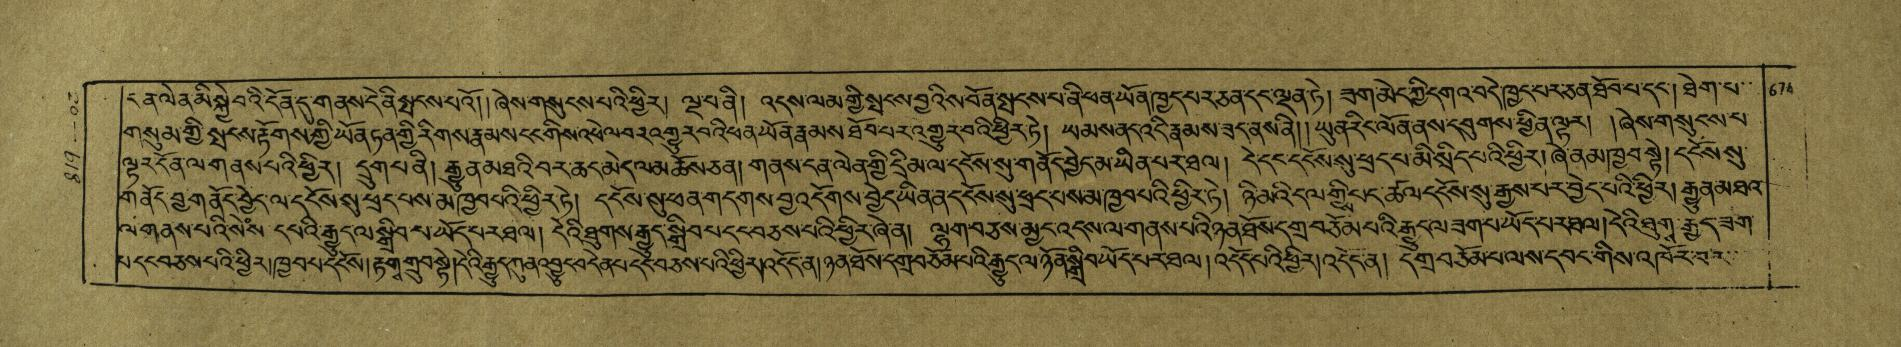ངན་ལེན་མི་སྐྱེ་བའི་དོན་དུ་གནས་དེ་ནི་སྤངས་པའོ། །ཞེས་གསུངས་པའི་ཕྱིར། ལྔ་པ་ནི། འདས་ལམ་གྱི་སྤངས་བྱའི་ས་བོན་སྤངས་པ་ནི་ཕན་ཡོན་ཁྱད་པར་ཅན་དང་ལྡན་ཏེ། ཟག་མེད་ཀྱི་དགའ་བདེ་ཁྱད་པར་ཅན་ཐོབ་པ་དང་། ཐེག་པ་
གསུམ་གྱི་སྤངས་རྟོགས་གྱི་ཡོན་ཏན་གྱི་རིགས་རྣམས་ངང་གིས་འཕེལ་བར་འགྱུར་བའི་ཕན་ཡོན་རྣམས་ཐོབ་པར་འགྱུར་བའི་ཕྱིར་ཏེ། ཡམས་ནད་འདི་རྣམས་ཟད་ནས་ནི། །ཡུན་རིང་ལོན་ནས་དབུགས་ཕྱིན་ལྟར། །ཞེས་གསུངས་པ་
ལྟར་དོན་ལ་གནས་པའི་ཕྱིར། དྲུག་པ་ནི། རྒྱུན་མཐའི་བར་ཆད་མེད་ལམ་ཆོས་ཅན། གནས་ངན་ལེན་གྱི་དྲི་མ་ལ་དངོས་སུ་གནོད་བྱེད་མ་ཡིན་པར་ཐལ། དེ་དང་དངོས་སུ་ཕྲད་པ་མི་སྲིད་པའི་ཕྱིར། ཞེ་ན་མ་ཁྱབ་སྟེ། དངོས་སུ་
གནོད་བྱ་གནོད་བྱེད་ལ་དངོས་སུ་ཕྲད་པས་མ་ཁྱབ་པའི་ཕྱིར་ཏེ། དངོས་སུ་ཕན་གདགས་བྱ་འདོགས་བྱེད་ཡིན་ན་དངོས་སུ་ཕྲད་པས་མ་ཁྱབ་པའི་ཕྱིར་ཏེ། ཉི་མའི་དལ་གྱིས་པད་ཚལ་དངོས་སུ་རྒྱས་པར་བྱེད་པའི་ཕྱིར། རྒྱུན་མཐའ་
ལ་གནས་པའི་སེཾས་དཔའི་རྒྱུད་ལ་སྒྲིབ་པ་ཡོད་པར་ཐལ། དེའི་ཐུགས་རྒྱུད་སྒྲིབ་པ་དང་བཅས་པའི་ཕྱིར་ཞེ་ན། ལྷག་བཅས་མྱང་འདས་ལ་གནས་པའི་ཉན་ཐོས་དགྲ་བཅོམ་པའི་རྒྱུད་ལ་ཟག་པ་ཡོད་པར་ཐལ། དེའི་ཐུགས་རྒྱད་ཟག་
པ་དང་བཅས་པའི་ཕྱིར། ཁྱབ་པ་དངོས། རྟགས་གྲུབ་སྟེ། དེའི་རྒྱུད་ཀུན་འབྱུང་བདེན་པ་དང་བཅས་པའི་ཕྱིར། འདོད་ན། ཉན་ཐོས་དགྲ་བཅོམ་པའི་རྒྱུད་ལ་ཉོན་སྒྲིབ་ཡོད་པར་ཐལ། འདོད་པའི་ཕྱིར། འདོད་ན། དགྲ་བཅོམ་པ་ལས་དབང་གིས་འཁོར་བར་